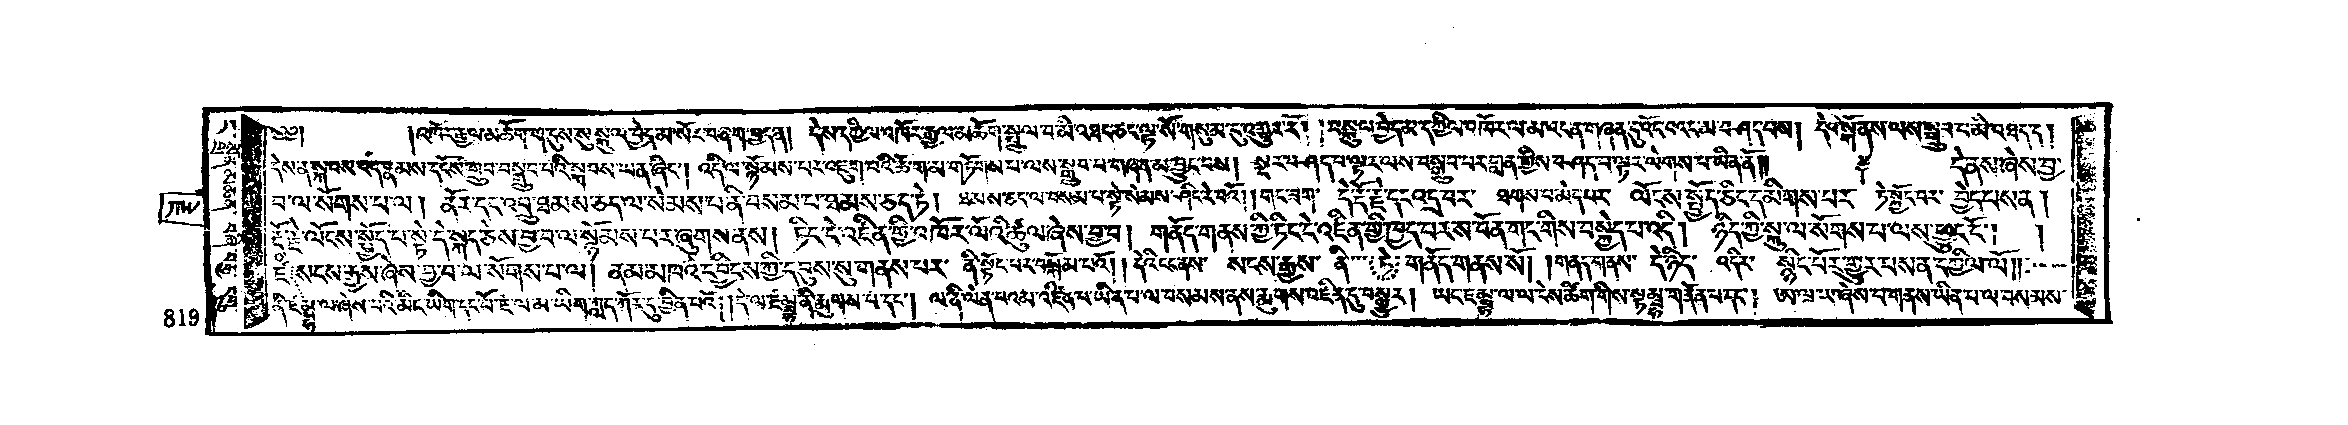༄༅། །འཁོར་རྒྱལ་མཆོག་གི་དུས་སུ་སྐུལ་བྱེད་མ་སོར་བཞག་བྱེད་ན། དེས་དཀྱིལ་འཁོར་རྒྱལ་མཆོག་སྤྲུལ་བ་མི་འཐད་ཅིང་ལྷ་སོ་གསུམ་དུ་འགྱུར་རོ། །བསྐུལ་བྱེད་མ་དཀྱིལ་འཁོར་ལ་མ་འང་ན་གཞན་དུ་འོང་པའང་མ་བཤད་པས། དེའི་སྒོ་ནས་ལས་སྒྲུབ་པ་མི་འཐད་དེ།
དེས་ན་སྐབས་འདི་རྣམས་དངོས་གྲུབ་བསྒྲུབ་པའི་སྐབས་ཡིན་ཞིང་། འདི་ལ་སྙོམས་པར་འཇུག་པའི་ཆོ་ག་མ་གཏོགས་པ་ལས་སྒྲུབ་པ་གཞན་མ་བྱུང་བས། སྔར་བཤད་པ་ལྟར་ལས་བསྒྲུབ་པར་གླན་གྱིས་བཤད་པ་ལྟར་ལེགས་པ་ཡིན་ནོ།། ༈ དེ་ནས་ཞེས་བྱ་
བ་ལ་སོགས་པ་ལ། ནོར་དང་འབྲུ་ཐམས་ཅད་ལ་སེམས་པ་ནི་བསམ་པ་ཐམས་ཅད་ཏེ། ཐམས་ཅད་ལ་བསམ་པ་སྟེ་སེམས་ཤིང་རེ་བའོ། །གང་ཟག་དེ་རྡོ་རྗེ་དང་འདྲ་བར་ཐགས་པ་མེད་པར་ལོངས་སྤྱོད་ཅིང་དམིགས་པར་ཏེ་སྐྱོང་བར་བྱེད་པས་ན།
རྡོ་རྗེ་ལོངས་སྤྱོད་པ་སྟེ་དེ་སྐད་ཅེས་བྱ་བ་ལ་སྙོམས་པར་ཞུགས་ནས། ཏིང་ངེ་འཛིན་གྱི་འཁོར་ལོའི་ཚུལ་ཞེས་བྱ་བ། གནོད་གནས་ཀྱི་ཏིང་ངེ་འཛིན་གྱི་ཁྱད་པར་ས་བོན་གང་གིས་བསྐྱེད་པ་འདི། ཉིད་ཀྱི་སྐུ་ལ་སོགས་པ་ལས་ཕྱུང་ངོ། །
ཛ་སངས་རྒྱས་ཞེས་བྱ་བ་ལ་སོགས་པ་ལ། ནམ་མཁའི་དབྱིངས་ཀྱི་དབུས་སུ་གནས་པར་ནི་སྟོང་པར་བསྒོམ་པའོ། །དེའི་ངང་ནས་སངས་རྒྱས་ནི་ཏེ་གནོད་གནས་སོ། །གནས་གནས་དེ་ཉིད་འདིར་སྙིང་པོར་གྱུར་པས་ན་དཀྱིལ་ལོ།།H.
ནི་ཛམྦྷ་ལ་ཞེས་པའི་མིང་ཡིག་དང་པོ་ཛ་ལ་མ་ཡིག་ཀླད་ཀོར་དུ་བྱིན་པའོ། །དེ་ལ་ཛམྦྷ་ནི་རྨུགས་པ་དང་། ལ་ནི་ལེན་པའམ་འཛིན་པ་ཡིན་པ་ལ་བསམས་ནས་རྨུགས་འཛིན་དུ་བསྒྱུར། ཡང་ཛམྦྷ་ལ་ལ་ངེས་ཚིག་གིས་སྟམྦྷ་གནོན་པ་དང་། ཨ་ལྔ་ཡ་ཞེས་པ་གནས་ཡིན་པ་ལ་བསམས་